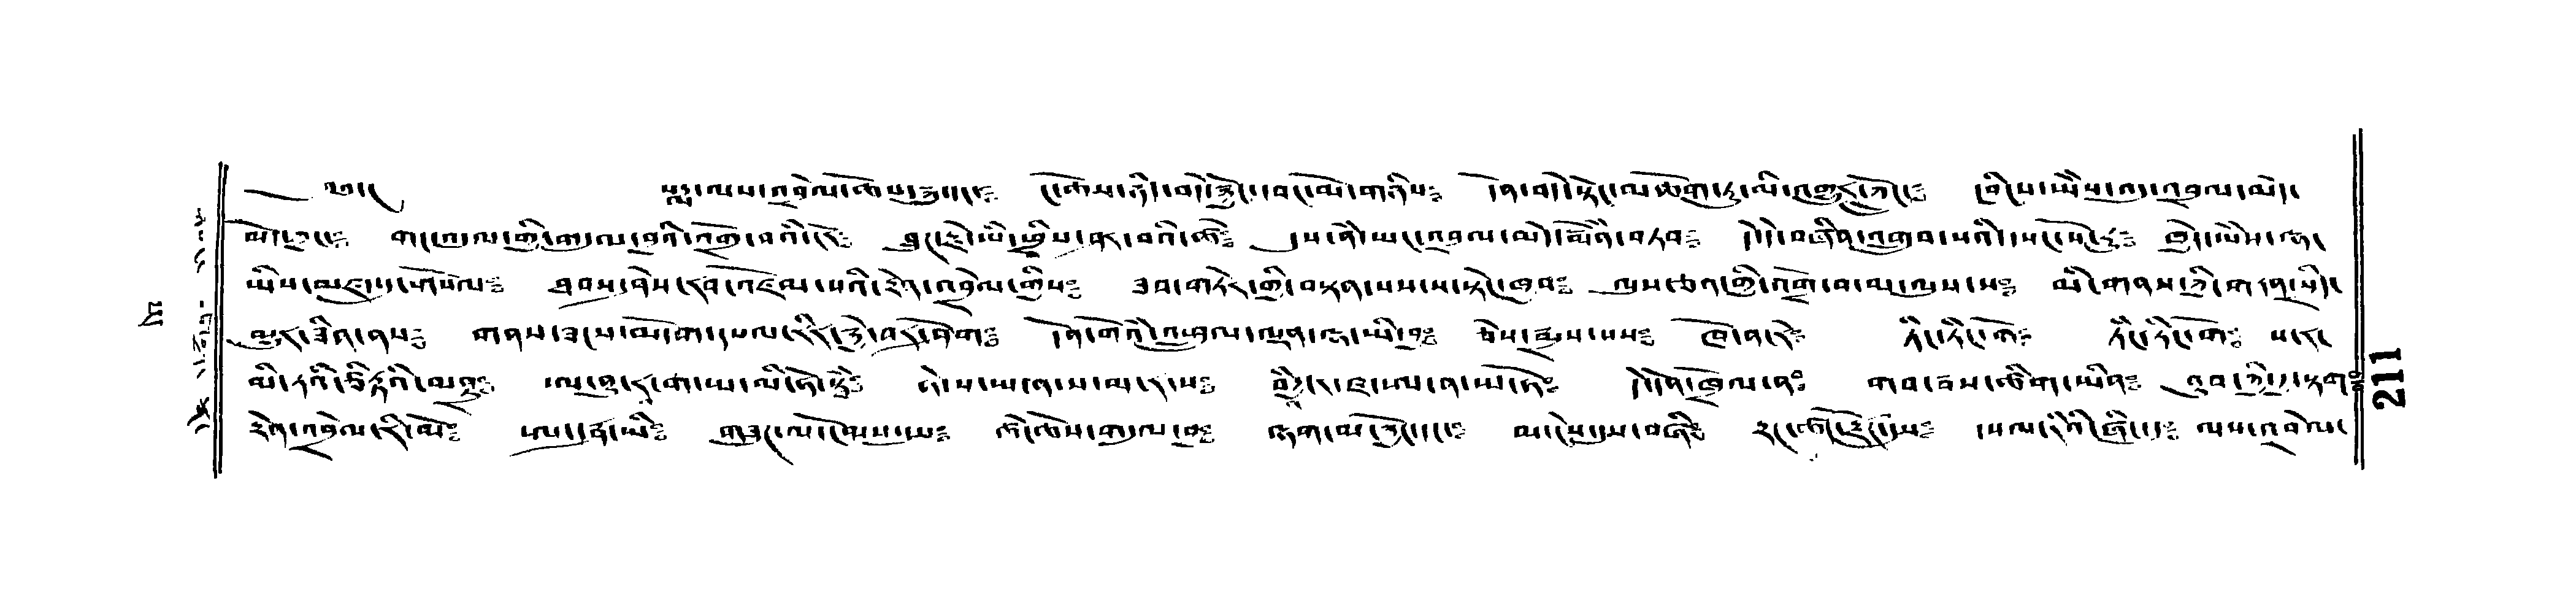པདྨ་ལས་འབྲེལ་ཆོས་སྐུ་དང༔ ང་ཆོས་ཉིད་བདེ་སྐྱོང་དབང་མོ་གཉིས༔ དོན་བདེ་སྟོང་མཆོག་ཏུ་མི་འགྱུར་ཀློང༔ དབྱིངས་ཡེ་ཤེས་འདུ་འབྲལ་མེད་
མོད་ཀྱང༔ གང་འདུལ་གྱི་གདུལ་བྱའི་འགྲོ་བའི་ངོར༔ ཐུགས་རྗེ་ཡི་ཕྲིན་ལས་ཤར་བའི་ཚེ༔ དུས་ནམ་ཡང་འབྲལ་མེད་སྨོན་ལམ་བཏབ༔དེ་དེ་བཞིན་འགྲུབ་པའི་དཔང་པོ་རུ༔ ཁྱེད་ཡེ་ཤེས་ལྷ་
ཡིས་མཛད་དུ་གསོལ༔ ཐབས་ཤེས་རབ་འཛོམ་པའི་རྟེན་འབྲེལ་གྱིས༔ ཟབ་གཏེར་གྱི་བསྟན་པས་ས་སྟེང་ཁྱབ༔ ལུས་ཅན་གྱི་འགྲོ་བ་མ་ལུས་པ༔ མི་གནས་ཀྱི་གཏན་སྲིད་
མྱུར་ཟིན་ནས༔ གནས་ཟངས་མདོག་དཔལ་རིར་སྐྱེ་བར་ཤོག༔ དོན་གོའམ་འཕྲུལ་ལྡན་ལྷ་ཡི་བྱ༔ ཅེས་སྨྲས་པས༔ ཁོ་ན་རེ༔ ཏིང་ཏིང་གོ༔ ཏིང་ཏིང་གོ༔ པ་ར་
མི་ཏ་ཙིཏྟ་མནྟྲ༔ ཨ་ནུ་རྭ་ག་ཡ་མི་ཧོ་སྟྭཾ༔ ཧེ་ས་ཡ་ན་ས་མ་ར་ས༔ བིདྱཱ་ར་ཛ་ཨ་ན་ཡ་ཧོཿ དེ་དོན་ཁྲོལ་ནཿ གབ་སྦས་ཚིག་ཡིན༔ ནུབ་ཀྱི་རྒྱ་སྟག༔ 
རྟེན་འབྲེལ་རི་མོ༔ ཨ་དརྴ་ཡི༔ གཟུགས་ལ་ངོམས་དུས༔ ཚེ་ཆོས་གདུལ་བྱ༔ ལྷག་མ་སྐྱོངས་དང༔ མ་ངེས་དུས་བཞིའི༔ རྟགས་ཚད་རྫོགས་དུས༔ དཔལ་རིའི་ཞིང་དུ༔ ལས་འབྲེལ་